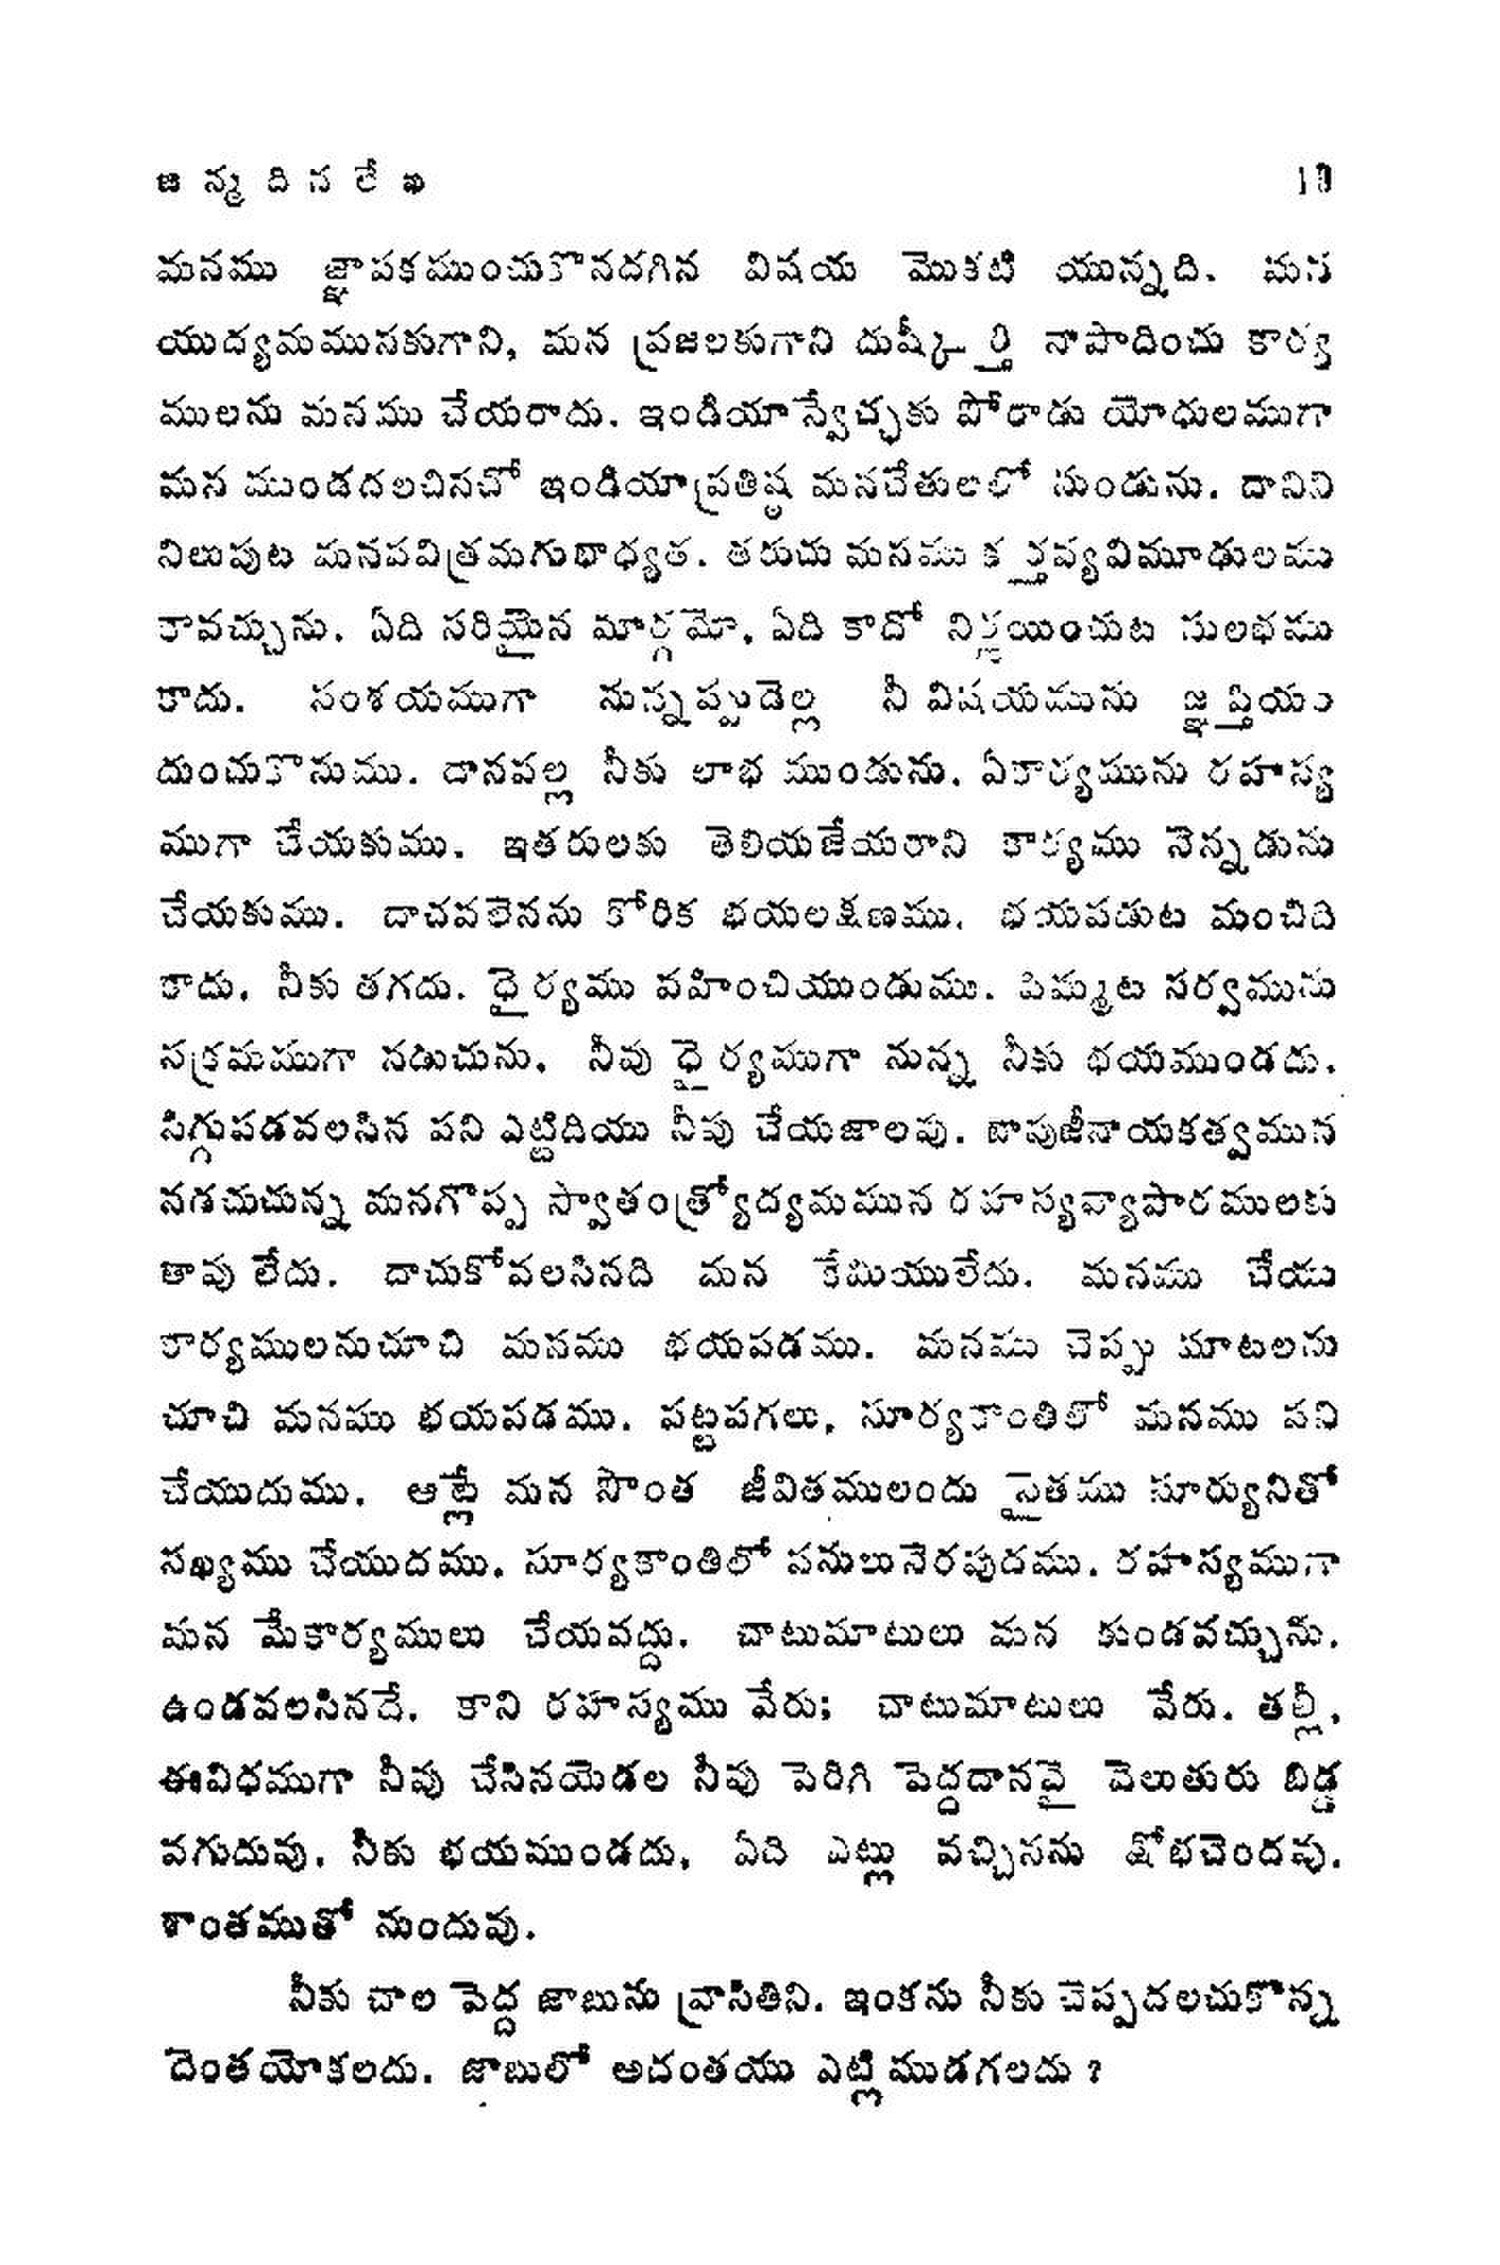మనము జ్ఞాపకముంచుకొనదగిన విషయ మొకటి యున్నది. మన యుద్యమమునకుగాని, మన ప్రజలకుగాని దుష్కీర్తి నాపాదించు కార్యములను మనము చేయరాదు. ఇండియా స్వేచ్చకు పోరాడు యోధులముగా మన ముండదలచినచో ఇండియా ప్రతిష్ట మనచేతులలో నుండును. దానిని నిలుపుట మనపవిత్రమగుభాధ్యత. తరుచు మసము కర్తవ్య విమూఢులము కావచ్చును. ఏది సరియైన మార్గమో, ఏది కాదో నిర్ణయించుట సులభము కాదు. సంశయముగా నున్నప్పుడెల్ల నీ విషయమును జ్ఞష్తియం దుంచుకొనుము. దానవల్ల నీకు లాభ ముండును. ఏ కార్యమును రహస్యముగా చేయకుము. ఇతరులకు తెలియజేయరాని కార్యము నెన్నడును చేయకుము. దాచవలెనను కోరిక భయలక్షణము, భయపడుట మంచిది కాదు. నీకు తగదు. ధైర్యము వహించియుండుము. పిమ్మట సర్వమును సక్రమముగా నడుచును, నీవు ధైర్యముగా నున్న నీకు భయముండదు. సిగ్గుపడవలసిన పని ఎట్టిదియు నీపు చేయజాలవు. బాపుజీ నాయకత్వమున నడచుచున్న మనగొప్ప స్వాతంత్ర్యోద్యమమున రహస్యవ్యాపారములకు తావు లేదు. దాచుకోవలసినది మన కేమియులేదు. మనము చేయు కార్యములనుచూచి మనము భయపడము. మనము చెప్పు మాటలను చూచి మనము భయపడము. పట్టపగలు, సూర్యకాంతితో మనము పని చేయుదుము. ఆట్లే మన సొంత జీవితములందు సైతము సూర్యునితో సఖ్యము చేయుదము. సూర్యకాంతిలో పనులు నెరపుదము. రహస్యముగా మన మేకార్యములు చేయవద్దు. చాటుమాటులు మన కుండవచ్చును. ఉండవలసినదే. కాని రహస్యము వేరు; చాటుమాటులు వేరు. తల్లీ, ఈవిధముగా నీవు చేసినయెడల నీవు పెరిగి పెద్దదానవై వెలుతురు బిడ్డ వగుదువు. నీకు భయముండదు, ఏది ఎట్లు వచ్చినను క్షోభచెందవు. శాంతముతో నుందువు.

నీకు చాల పెద్ద జాబును వ్రాసితిని. ఇంకను నీకు చెప్పదలచుకొన్న దెంతయోకలదు. జాబులో అదంతయు ఎట్లిముడగలదు ?